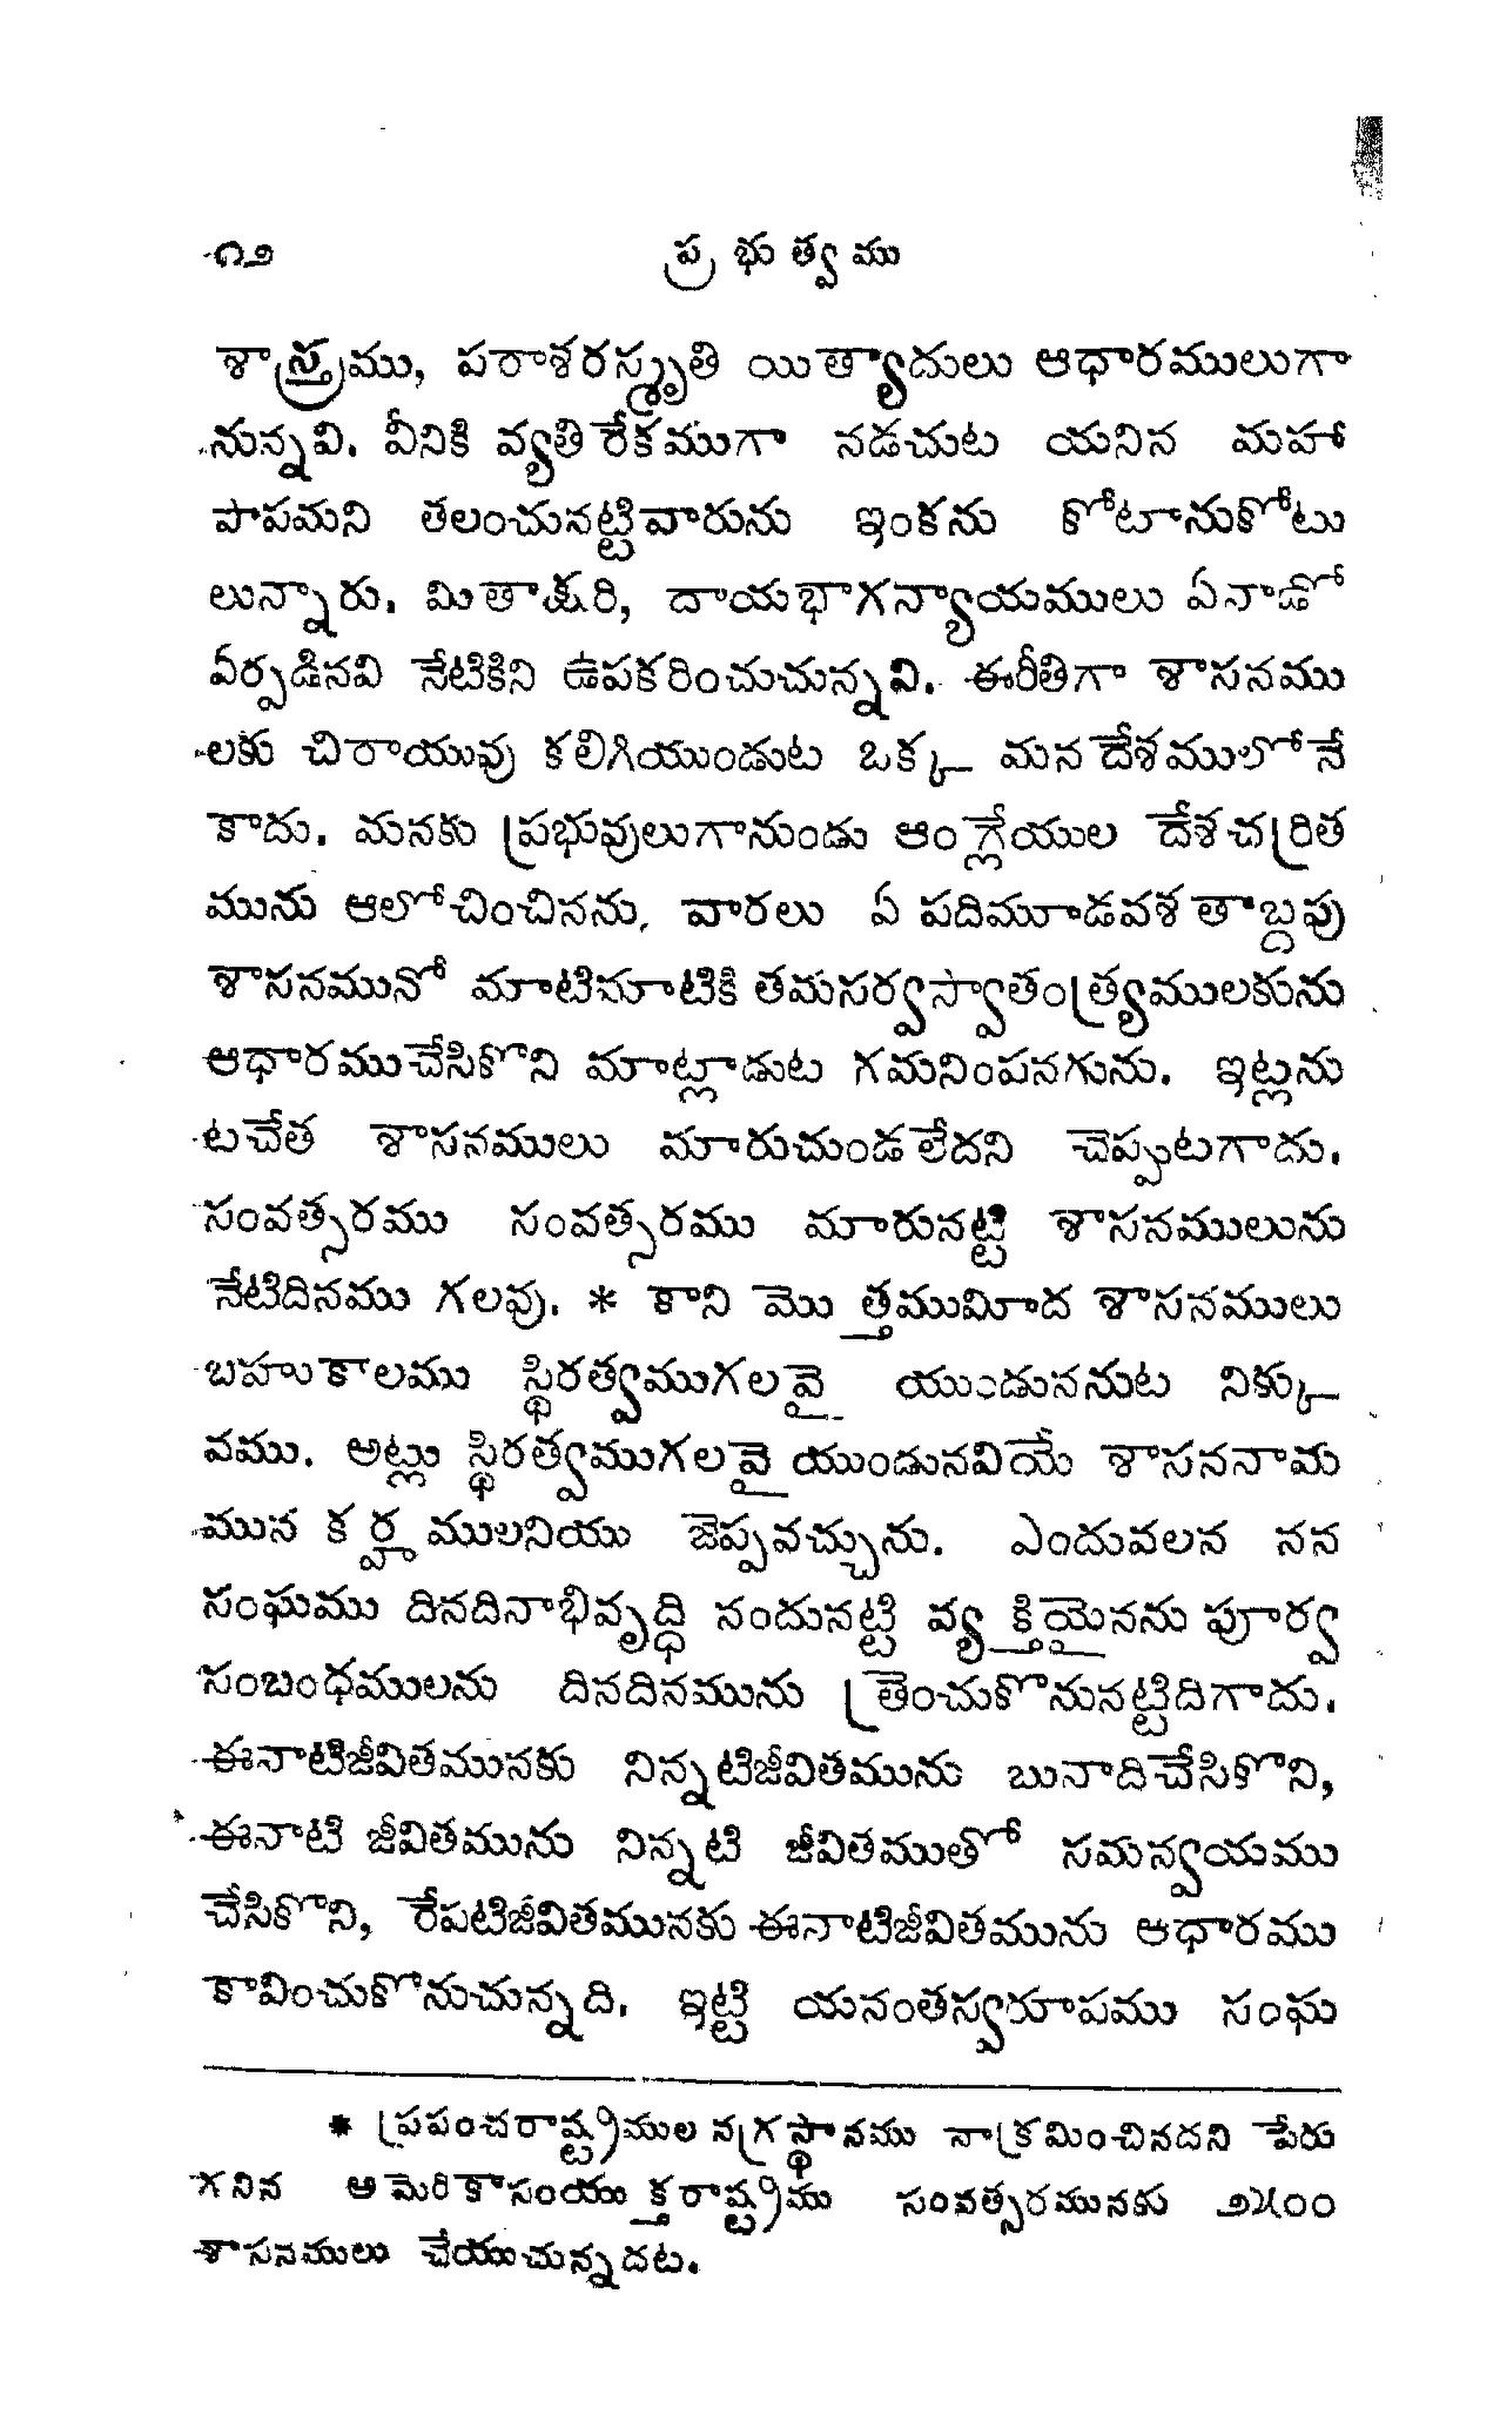శాస్త్రము, పరాశరస్మృతి యిత్యాదులు ఆధారములుగా నున్నవి. వీనికి వ్యతిరేకముగా నడచుట యనిన మహాపాపమని తలంచునట్టివారును ఇంకను కోటానుకోటులున్నారు, మితాక్షరి, దాయభాగ న్యాయములు ఏనాడో ఏర్పడినవి నేటికిని ఉపకరించుచున్నవి. ఈరీతిగా శాసనములకు చిరాయువు కలిగియుండుట ఒక్క మనదేశములోనే కాదు. మనకు ప్రభువులుగానుండు ఆంగ్లేయుల దేశచర్రితమును ఆలోచించినను, వారలు ఏ పదిమూడవశతాబ్దపు శాసనమునో మాటిమాటికి తమసర్వస్వాతంత్ర్యములకును ఆధారముచేసికొని మాట్లాడుట గమనింపనగును. ఇట్లనుటచేత శాసనములు మారుచుండలేదని చెప్పుటగాదు. సంవత్సరము సంవత్సరము మారునట్టి శాసనములును నేటిదినము గలవు. కాని మొత్తముమీద శాసనములు బహుకాలము స్థిరత్వముగలవై యుండుననుట నిక్కువము. అట్లు స్థిరత్వముగలవై యుండునవియే శాసననామమున కర్హ ములనియు జెప్పవచ్చును. ఎందువలన నన సంఘము దినదినాభివృద్ధి నందునట్టి వ్యక్తియైనను పూర్వసంబంధములను దినదినమును త్రెంచుకొనునట్టిదిగాదు. ఈనాటిజీవితమునకు నిన్నటిజీవితమును బునాదిచేసికొని, ఈనాటి జీవితమును నిన్నటి జీవితముతో సమన్వయము చేసికొని, రేపటి జీవితమునకు ఈనాటిజీవితమును ఆధారము కావించుకొనుచున్నది. ఇట్టి యనంతస్వరూపము సంఘ